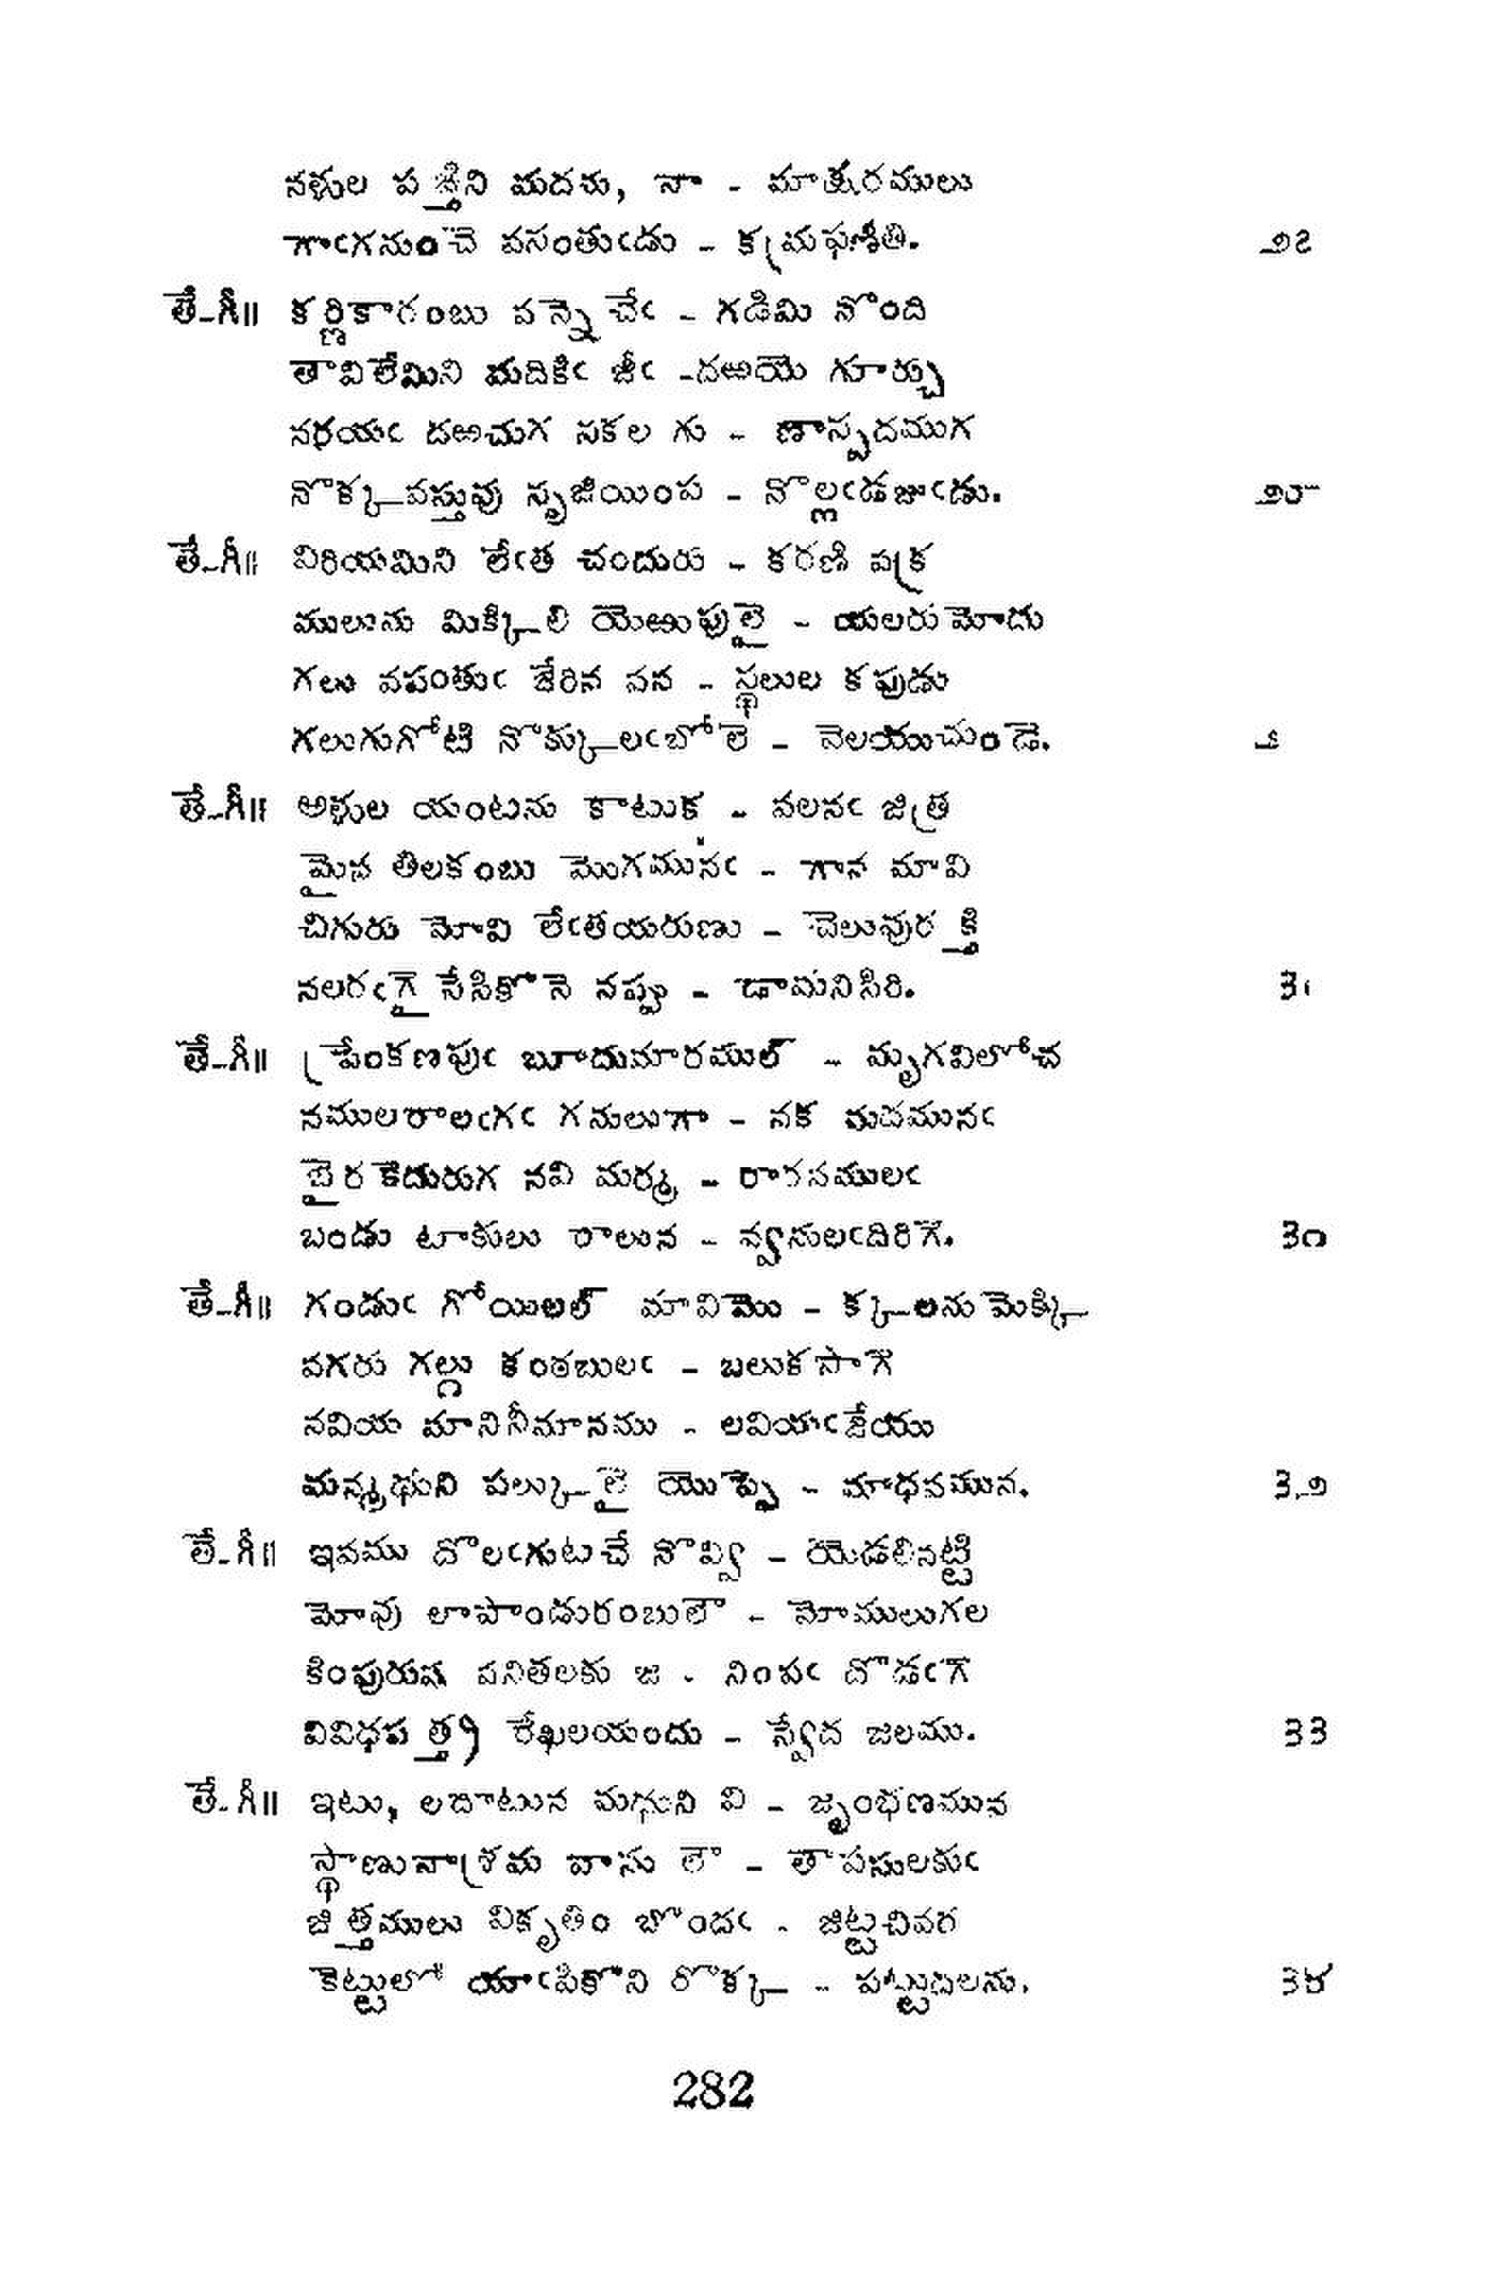నళుల సక్తిని మదను, నా - మాక్షరములు
 గాగనుంచె వసంతుడు - కమ్రఫణితి. 27
తే.గీ|| కర్ణికారంబు నన్నెచే - గడిమి నొంది
 తావిలేమిని మదికి జీ -దఱయె గూర్చు
 నరయ దఱచుగ సకల గు -ణాస్పదముగ
 నొక్కవస్తువు సృజియింప - నొల్లడజుడు. 28
తే.గీ|| నిరియమిని లేత చందురు - కరణి వక్ర
 ములును మిక్కిలి యెఱుపులై - యలరుమోదు
 గలు నపంతు జెరిన సన - స్థలులు కపుడు
 గలుగుగోటి నొక్కుల బోలె - వెలయుచుండె 2
తే.గీ|| అళుల యంటను కాటుక - నలన జిత్ర
 మైన తిలకంబు మొగమున - గాన మాని
 చిగురు మోవి లేతయరుణు - చెలువురక్తి
 నలరగై సేసికొనె నప్పు - డామనిసిరి. 3
తే.గీ|| ప్రేంకణపు బూదుమరముల్ - మృగవిలోచ
 నములరాలగ గనులుగా - నక మదమున
 బైరకెదురుగ నవి మర్మ - రారసములం
 బండు టాకులు రాలున - న్వనులదిరిగె. 31
తే.గీ|| గండు గోయిలల్ మావిమొ - క్కలను మెక్కి
 వగరు గల్గు కంఠబుల - బలుకసాగె
 ననియు మాననీమానము - లనియజేయు
 మన్మధుని అల్కులై యొప్పె - మాధసమున 32
తే.గీ|| ఇనము దొలగుటచే నొవ్వి - యెడలినట్టి
 మోపు లాపాండురంబులౌ - మోములుగల
 కింపురుష వనితలకు జ - నింప గొడగె
 వివిధసత్త్ర రేఖలయందు - స్వేద జలము 33
తే.గీ|| ఇటు, అదాటున మధుని వి - జృంభణమున
 స్థాణునాశ్రమ వాసు లౌ - తానసులకు
 జిత్తములు వికృతిం బొందు - జిట్టచివర
 కెట్టులో యాసికొని రొక్క - పట్టుదలను 34